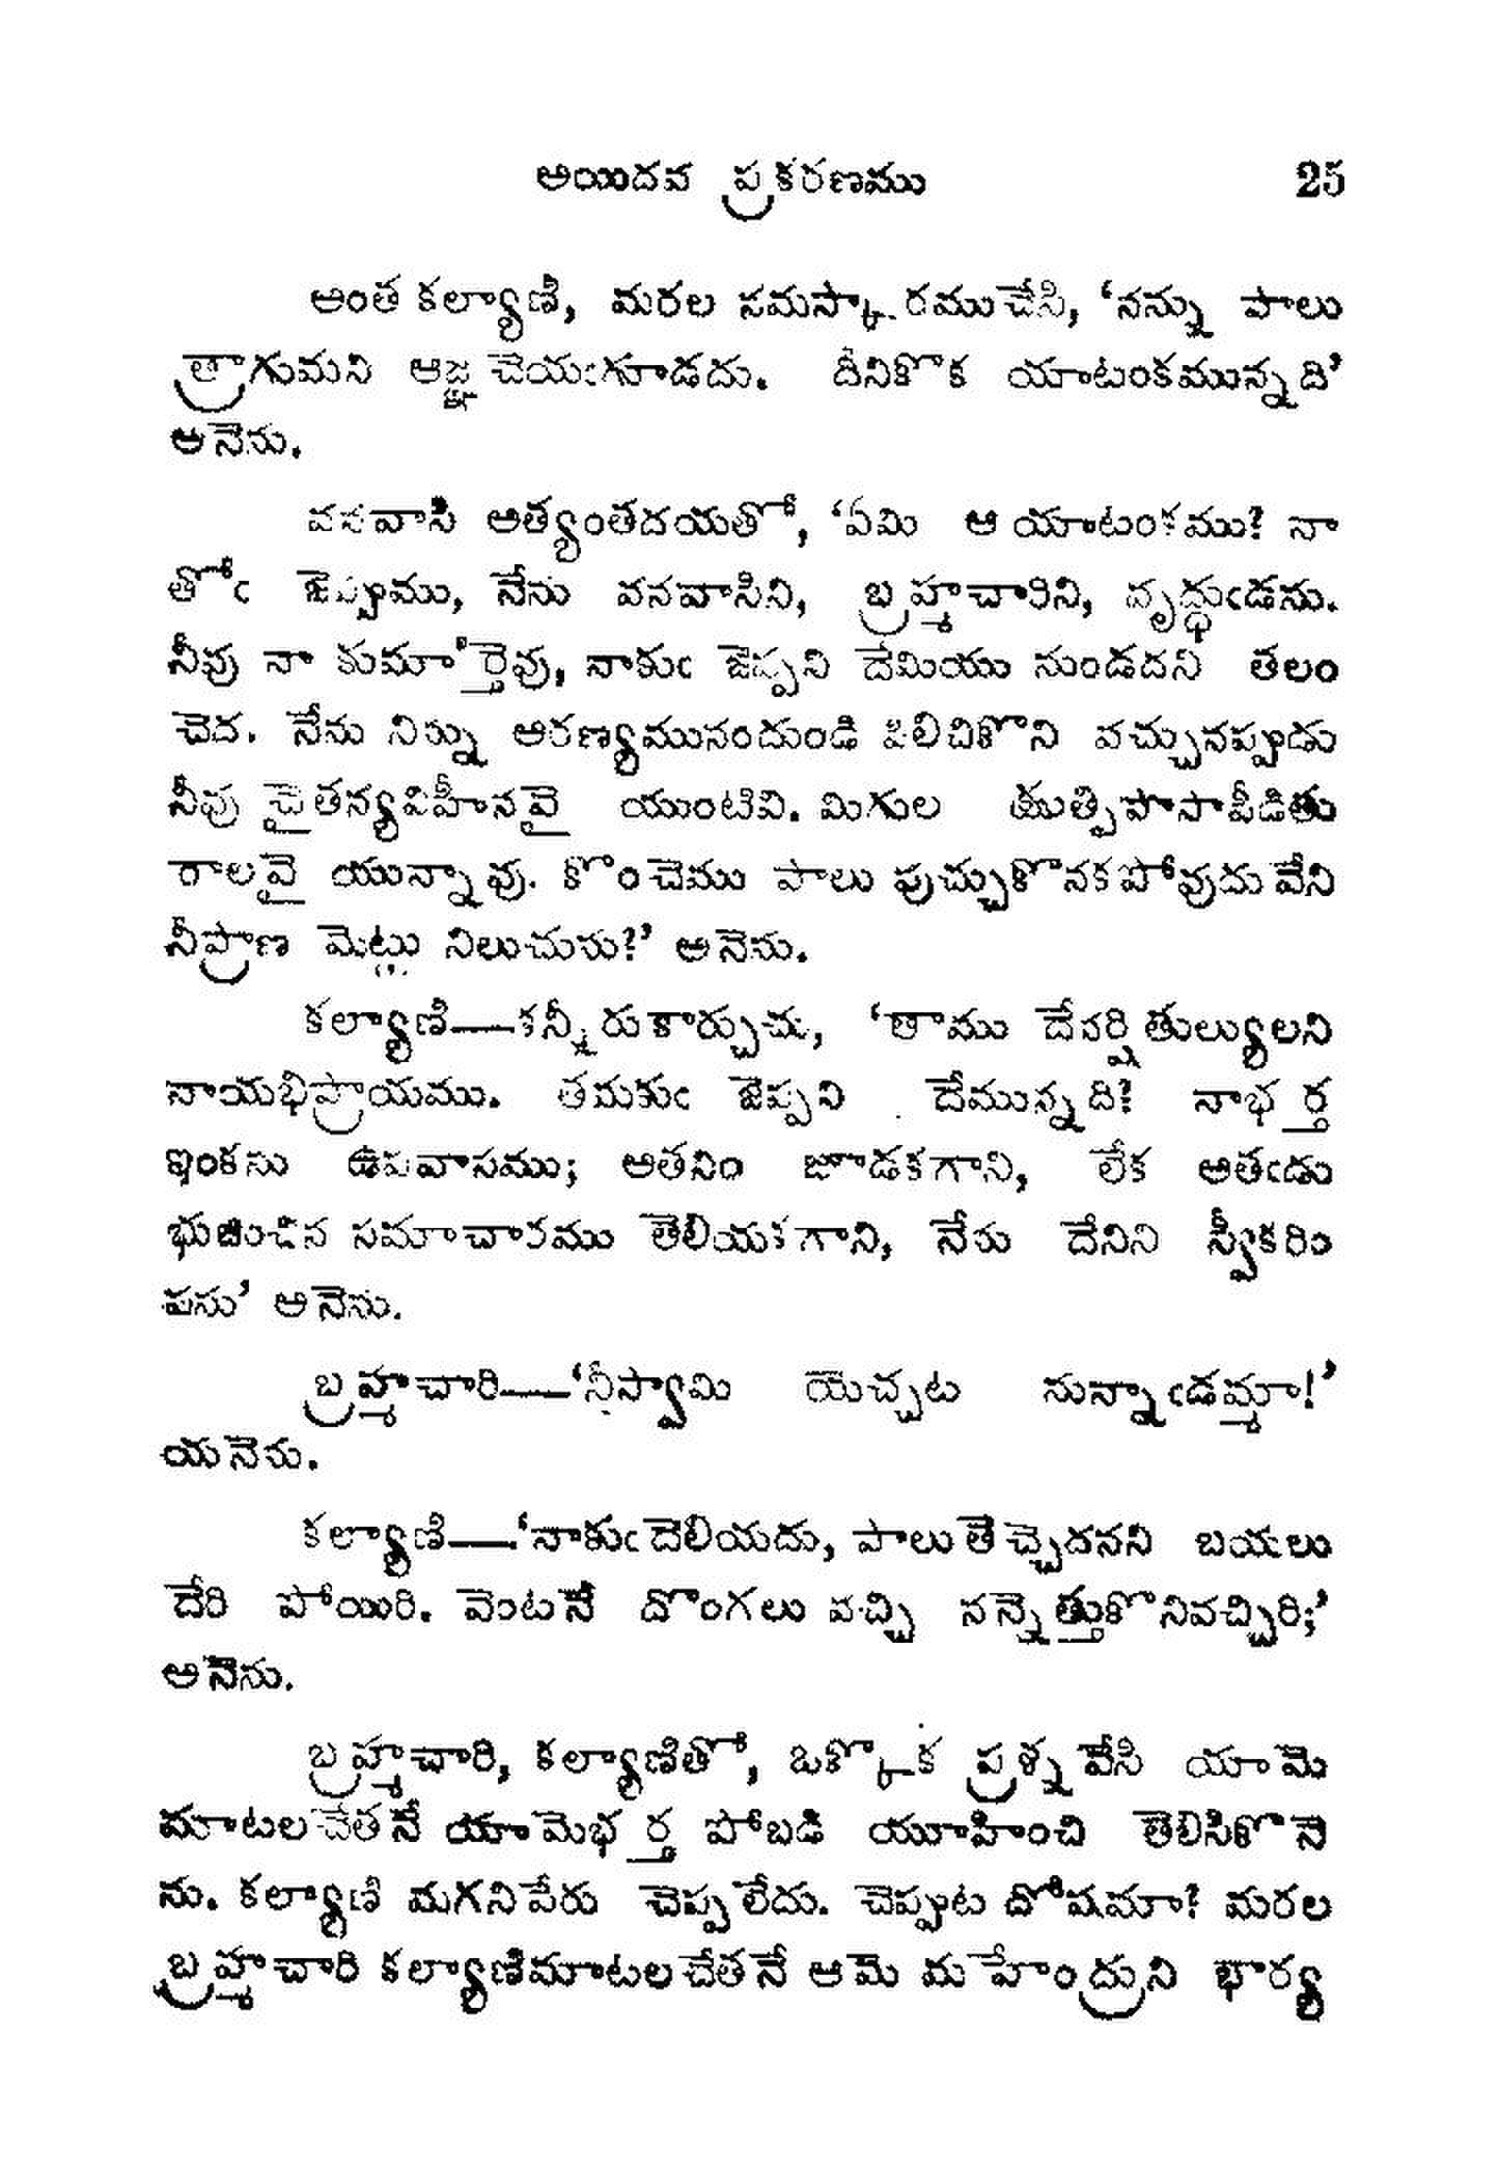అంత కల్యాణి, మరల నమస్కారము చేసి, 'నన్ను పాలు త్రాగుమని ఆజ్ఞ చేయఁగూడదు. దీనికొక యాటంకమున్నది అనెను.

వనవాసి అత్యంతదయతో, 'ఏమి ఆ యాటంకము? నాతోఁ జెప్పుము, నేను వనవాసిని, బ్రహచారిని, వృద్ధుఁడను. నీవు నా కుమార్తెవు, నాకుఁ జెప్పని దేమియు నుండదని తలంచెద. 'నేను నిన్ను అరణ్యమునందుండి పిలిచికొని వచ్చునప్పుడు నీవు చైతన్యవిహీనవై యుంటివి. మిగుల క్షుత్పిపొసా పీడితురాలవై యున్నావు. కొంచెము పాలు పుచ్చుకొనక పోవుదు వేని నీ ప్రాణ మెట్లు నిలుచును?' అనెను.

కల్యాణి ——కన్నీరు కార్చుచు, 'తాము దేవర్షి తుల్యులని నాయభిప్రాయము. తమకుఁ జెప్పని దేమున్నది? నాభర్త ఇంకను ఉపవాసము; అతనిం జూడకగాని, లేక ఆతఁడు భుజించిన సమాచారము తెలియక గాని, నేను దేనిని స్వీకరింపను' అనెను.

బ్రహచారి——'నీస్వామి యెచ్చట నున్నాఁడమ్మా!'యనెను.

కల్యాణి ——'నాకుఁ దెలియదు, పాలు తెచ్చెదనని బయలు దేరి పోయిరి. వెంటనే దొంగలు వచ్చి నన్నెత్తుకొనివచ్చిరి:' అనెను.

బ్రహ్మచారి, కల్యాణితో, ఒక్కొక ప్రశ్న వేసి యామె మాటల చేతనే యామెభర్త పోబడి యూహించి తెలిసికొనెను. కల్యాణి మగని పేరు చెప్ప లేదు. చెప్పుట దోషమా? మరల బ్రహచారి కల్యాణిమాటల చేతనే ఆమె మహేంద్రుని భార్య